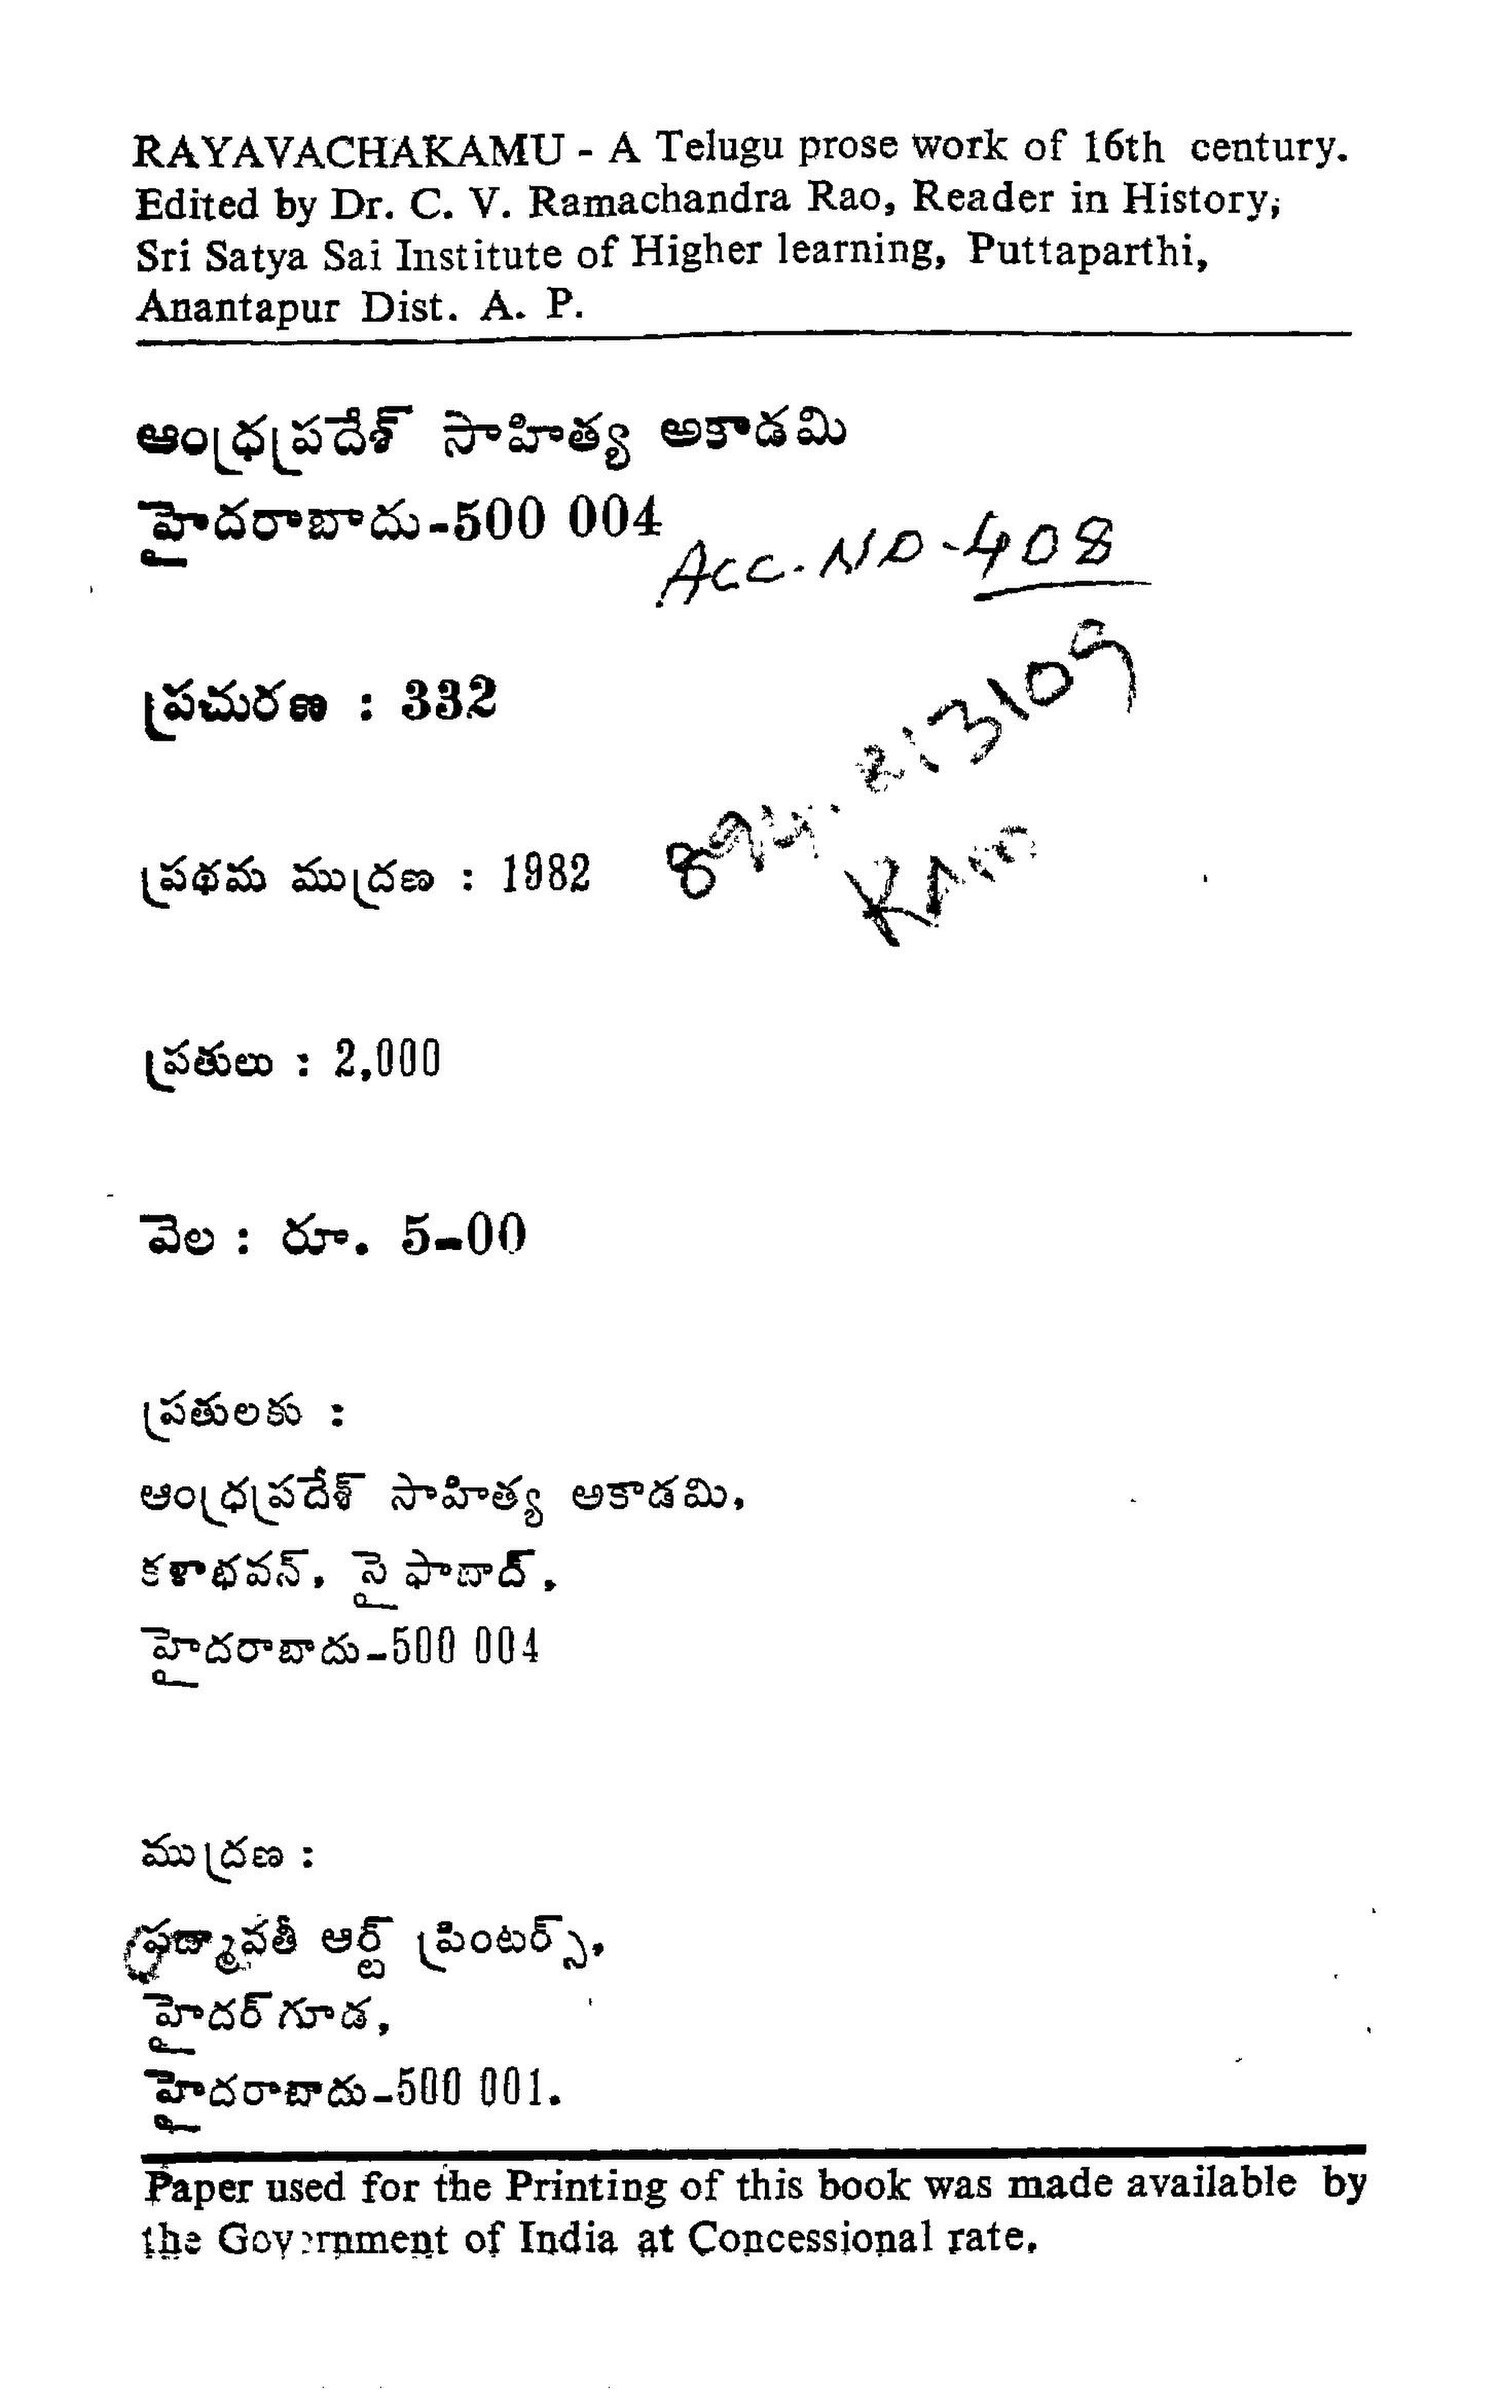RAYAVACHAKAMU - A Telugu prose work of 16th century.
Edited by Dr. C. V. Ramachandra Rao, Reader in History;
Sri Satya Sai Institute of Higher learning, Puttaparthi,
Anantapur Dist. A. P.

ఆంధ్రప్రదేశ్ సాహిత్య అకాడమి
హైదరాబాదు-500 004

ప్రచురణ : 332

ప్రథమ ముద్రణ : 1982

ప్రతులు : 2,000

వెల: రూ.5-00

ప్రతులకు:
ఆంధ్రప్రదేశ్ సాహిత్య అకాడమి,
కళాభవన్, సైఫాబాద్,
హైదరాబాదు - 500 004

ముద్రణ :
పద్మావతీ ఆర్ట్ ప్రింటర్స్,
హైదర్గూడ,
హైదరాబాదు - 500 001.

Paper used for the Printing of this book was made available by
the Government of India at Concessional rate.